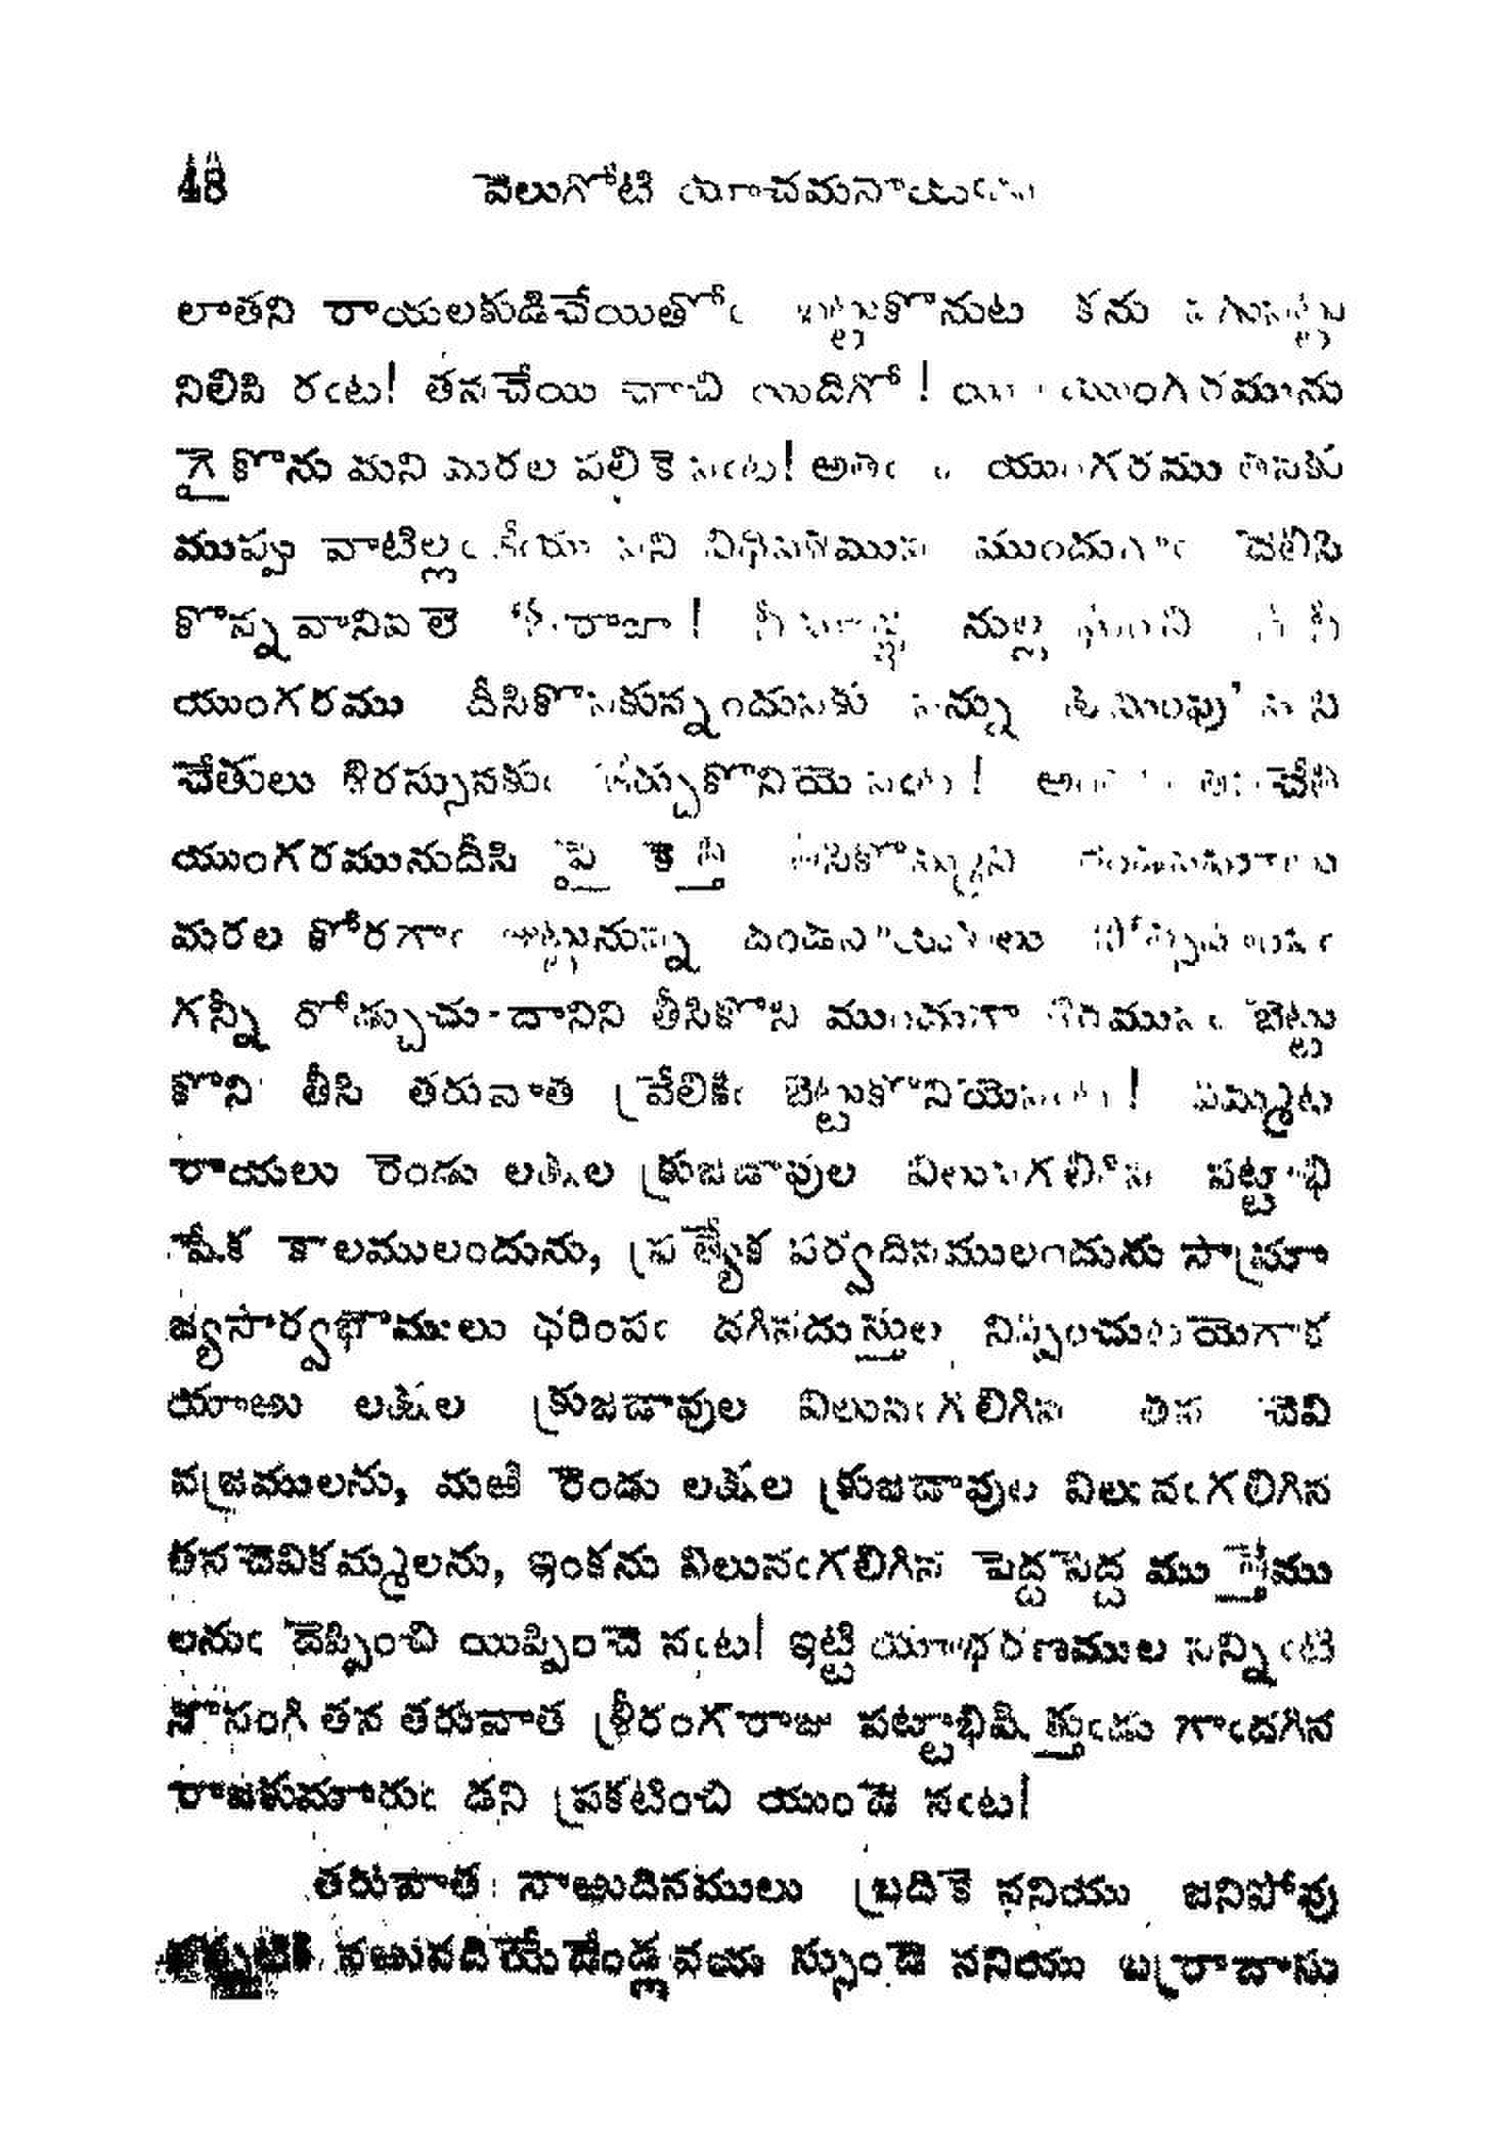లాతని రాయలకుడిచేయితోఁ బట్టుకొనుట కను వగునట్టు నిలిపి రఁట! తనచేయి చాచి యిదిగో! యీ యుంగరమును గైకొను మని మరల పలికెనఁట! అతఁడు యుంగరము తనకు ముప్పు వాటిల్లఁజేయునని విధివశమున ముందుగాఁ దెలిసి కొన్నవానివలె 'ఓరాజా ! నీయాజ్ఞ నుల్లఘించి నేనీ యుంగరము దీసికొనకున్నందునకు నన్ను క్షమింపము'మని చేతులు శిరస్సునకుఁ జేర్చుకొనియెనఁట! అంత తనచేతి యుంగరమునుదీసి పై కెత్తి తీసికొమ్మని రెండవమాఱు మరల కోరగాఁ జుట్టునున్న దండనాయకులు ప్రోత్సహింపఁ గన్నీ రోడ్చుచు దానిని తీసికొని ముందుగా శిరమునఁ బెట్టుకొని తీసి తరువాత వ్రేలికిఁ బెట్టుకొనియెనఁట! పిమ్మట రాయలు రెండు లక్షల క్రుజడావుల విలువగలిగిన పట్టాభిషేక కాలములందును, ప్రత్యేక పర్వదినములందును సామ్రాజ్యసార్వభౌములు ధరింపఁ దగినదుస్తుల నిప్పించుటయెగాక యాఱు లక్షల క్రుజడావుల విలువఁగలిగిన తన చెవి వజ్రములను, మఱి రెండు లక్షల క్రుజడావుల విలువఁగలిగిన తనచెవికమ్మలను, ఇంకను విలువఁగలిగిన పెద్దపెద్ద ముత్తేములనుఁ దెప్పించి యిప్పించె నఁట! ఇట్టి యాభరణముల నన్నిఁటి నొసంగి తన తరువాత శ్రీరంగరాజు పట్టాభిషిక్తుఁడు గాఁదగిన రాజకుమారుఁ డని ప్రకటించి యుండె నఁట!

తరువాత నాఱుదినములు బ్రదికె ననియు జనిపోవు నప్పటికి నఱువదియేడేండ్లవయ స్సుండె ననియు బర్రాదాసు